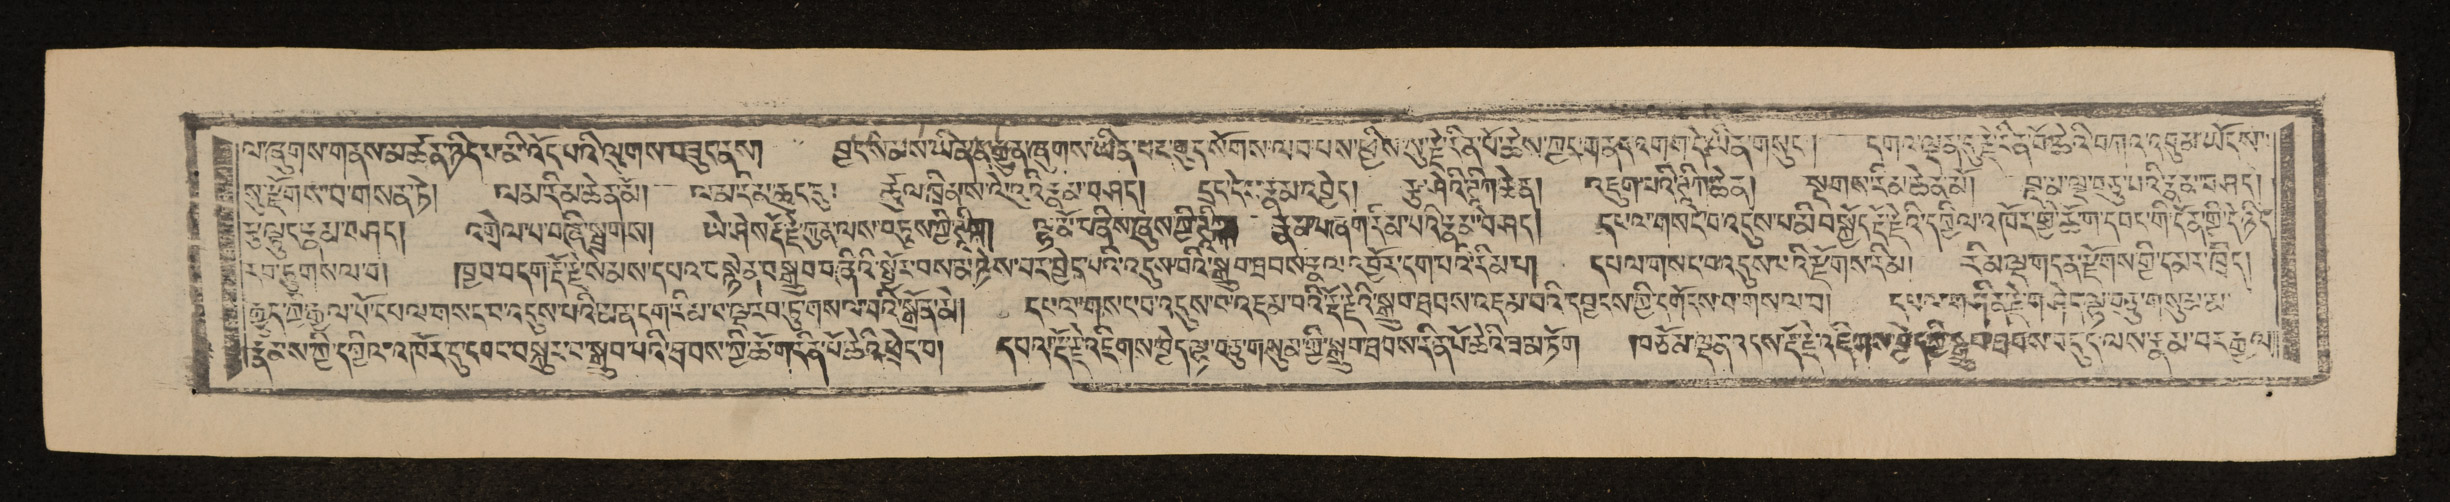ལ་ཞུགས་གནས་མཚན་ཉིད་པ་མི་འོང་པའི་ལུགས་བཟུང་ནས། བྱང་སེམས་ཡིན་ན་རྒྱུན་ཞུགས་ཡིན་པར་བུད་སོགས་ལ་བ་བས་ཕྱིས་སུ་རྗེ་རིན་པོ་ཆེས་ཀྱང་གནད་འགག་དེ་ཡིན་གསུང་། དགའ་ལྡན་དུ་རྗེ་རིན་པོ་ཆེའི་བཀའ་འབུམ་ཡོངས་
སུ་རྫོགས་པ་གསན་ཏེ། ལམ་རིམ་ཆེན་མོ། ལམ་རིམ་ཆུང་ངུ། ཚུལ་ཁྲིམས་ལེའུའི་རྣམ་བཤད། དྲང་ངེས་རྣམ་འབྱེད། རྩ་ཤེའི་ཊཱིཀ་ཆེན། འཇུག་པའི་ཊཱིཀ་ཆེན། སྔགས་རིམ་ཆེན་མོ། བླ་མ་ལྔ་བཅུ་པའི་རྣམ་བཤད།
རྩ་ལྟུང་རྣམ་བཤད། འགྲེལ་པ་བཞི་སྦྲགས། ཡེ་ཤེས་རྡོ་རྗེ་ཀུན་ལས་བཏུས་ཀྱི་ཊཱིཀྐ། ལྷ་མོ་བཞིས་ཞུས་ཀྱི་ཊཱིཀྐ། རྣམ་བཞག་རིམ་པའི་རྣམ་བཤད། དཔལ་གསང་བ་འདུས་པ་མི་བསྐྱོད་རྡོ་རྗེའི་དཀྱིལ་འཁོར་གྱི་ཆོ་ག་དབང་གི་དོན་གྱི་དེ་ཉིད་
རབ་ཏུ་གསལ་པ། ཁྱབ་བདག་རྡོ་རྗེ་སེམས་དཔའ་བསྙེན་བསྒྲུབ་བཞིའི་སྦྱོར་བས་མཉེས་པར་བྱེད་པའི་འདུས་པའི་སྒྲུབ་ཐབས་རྣལ་འབྱོར་དག་པའི་རིམ་པ། དཔལ་གསང་བ་འདུས་པའི་རྫོགས་རིམ། རིམ་ལྔ་གདན་རྫོགས་ཀྱི་དམར་ཁྲིད།
རྒྱུད་ཀྱི་རྒྱལ་པོ་དཔལ་གསང་བ་འདུས་པའི་མན་ངག་རིམ་པ་ལྔ་རབ་ཏུ་གསལ་བའི་སྒྲོན་མེ། དཔལ་གསང་བ་འདུས་པ་འཇམ་པའི་རྡོ་རྗེའི་སྒྲུབ་ཐབས་འཇམ་པའི་དབྱངས་ཀྱི་དགོངས་པ་གསལ་བ། དཔལ་གཤིན་རྗེ་གཤེད་ལྷ་བཅུ་གསུམ་མ་
རྣམས་ཀྱི་དཀྱིལ་འཁོར་དུ་དབང་བསྐུར་བ་སྒྲུབ་པའི་ཐབས་ཀྱི་ཆོ་ག་རིན་པོ་ཆེའི་ཕྲེང་བ། དཔལ་རྡོ་རྗེ་འཇིགས་བྱེད་ལྷ་བཅུ་གསུམ་གྱི་སྒྲུབ་ཐབས་རིན་པོ་ཆེའི་ཟ་མ་ཏོག །བཅོམ་ལྡན་འདས་རྡོ་རྗེ་འཇིགས་བྱེད་ཀྱི་སྒྲུབ་ཐབས་བདུད་ལས་རྣམ་པར་རྒྱལ་